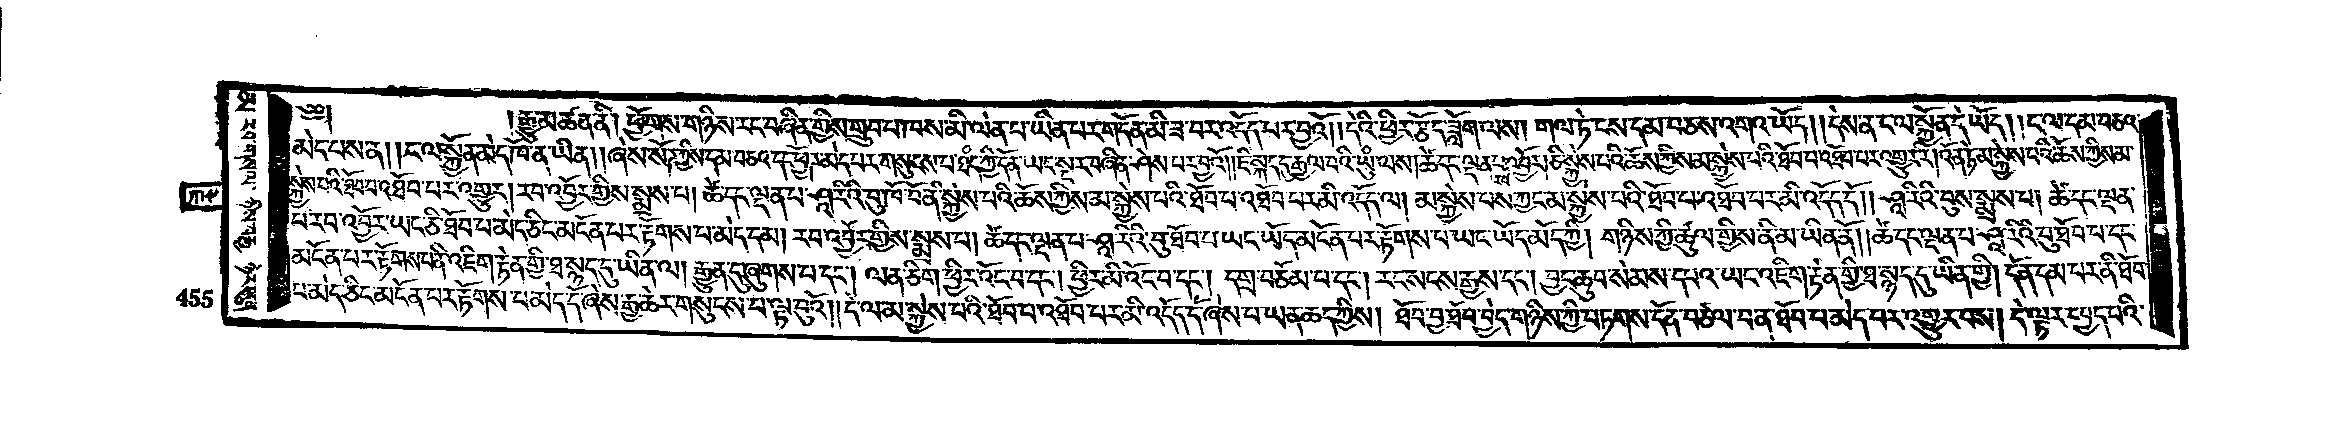༄༅། །རྒྱུ་མཚན་ནི། ཕྱོགས་གཉིས་རང་བཞིན་གྱིས་གྲུབ་པ་ཁས་མི་ལེན་པ་ཡིན་པར་གདོན་མི་ཟ་བར་འདོད་པར་བྱའོ། །དེའི་ཕྱིར་རྩོད་ཟློག་ལས། གལ་ཏེ་ངས་དམ་བཅས་འགའ་ཡོད། །དེས་ན་ང་ལ་སྐྱོན་དེ་ཡོད། །ང་ལ་དམ་བཅའ་
མེད་པས་ན། །ང་ལ་སྐྱོན་མེད་ཁོ་ན་ཡིན། །ཞེས་སོགས་ཀྱིས་དམ་བཅའ་དང་ཕྱོགས་མེད་པར་གསུངས་པ་ཐམས་ཅད་ཀྱི་དོན་ཡང་སྔར་བཞིན་ཤེས་པར་བྱའོ། །ཇི་སྐད་དུ་རྒྱལ་པའི་ཡུམ་ལས། ཚེ་དང་ལྡན་པ་རབ་འབྱོར། ཅི་སྐྱེས་པའི་ཆོས་ཀྱིས་མ་སྐྱེས་པའི་ཐོབ་པ་འཐོབ་པར་འགྱུར་མ། འོན་ཏེ་མ་སྐྱེས་པའི་ཆོས་ཀྱིས་མ་
སྐྱེས་པའི་ཐོབ་པ་འཐོབ་པར་འགྱུར། རབ་འབྱོར་གྱིས་སྨྲས་པ། ཚེ་དང་ལྡན་པ་ཤཱ་རིའི་བུ་ཁོ་བོ་ནི་སྐྱེས་པའི་ཆོས་ཀྱིས་མ་སྐྱེས་པའི་ཐོབ་པ་འཐོབ་པར་མི་འདོད་ལ། མ་སྐྱེས་པས་ཀྱང་མ་སྐྱེས་པའི་ཐོབ་པ་འཐོབ་པར་མི་འདོད་དོ། །ཤཱ་རིའི་བུས་སྨྲས་པ། ཚེ་དང་ལྡན་
པ་རབ་འབྱོར་ཡང་ཅི་ཐོབ་པ་མེད་ཅིང་མངོན་པར་རྟོགས་པ་མེད་དམ། རབ་འབྱོར་གྱིས་སྨྲས་པ། ཚེ་དང་ལྡན་པ་ཤཱ་རིའི་བུ་ཐོབ་པ་ཡང་ཡོད་མངོན་པར་རྟོགས་པ་ཡང་ཡོད་མོད་ཀྱི། གཉིས་ཀྱི་ཚུལ་གྱིས་ནི་མ་ཡིན་ནོ། །ཚེ་དང་ལྡན་པ་ཤཱ་རིའི་བུ་ཐོབ་པ་དང་
མངོན་པར་རྟོགས་པ་ནི་འཇིག་རྟེན་གྱི་ཐ་སྙད་དུ་ཡིན་ལ། རྒྱུན་དུ་ཞུགས་པ་དང་། ལན་ཅིག་ཕྱིར་འོང་བ་དང་། ཕྱིར་མི་འོང་བ་དང་། དགྲ་བཅོམ་པ་དང་། རང་སངས་རྒྱས་དང་། བྱང་ཆུབ་སེམས་དཔའ་ཡང་འཇིག་རྟེན་གྱི་ཐ་སྙད་དུ་ཡིན་གྱི། དོན་དམ་པར་ནི་ཐོབ་
པ་མེད་ཅིང་མངོན་པར་རྟོགས་པ་མེད་དོ་ཞེས་རྒྱ་ཆེར་གསུངས་པ་ལྟ་བུའོ། །དེ་ལ་མ་སྐྱེས་པའི་ཐོབ་པ་འཐོབ་པར་མི་འདོད་དོ་ཞེས་པ་ཡན་ཆད་ཀྱིས། ཐོབ་བྱ་ཐོབ་བྱེད་གཉིས་ཀྱི་བཏགས་དོན་བཙལ་བ་ན་ཐོབ་པ་མེད་པར་འགྱུར་བས། དེ་ལྟར་དཔྱད་པའི་